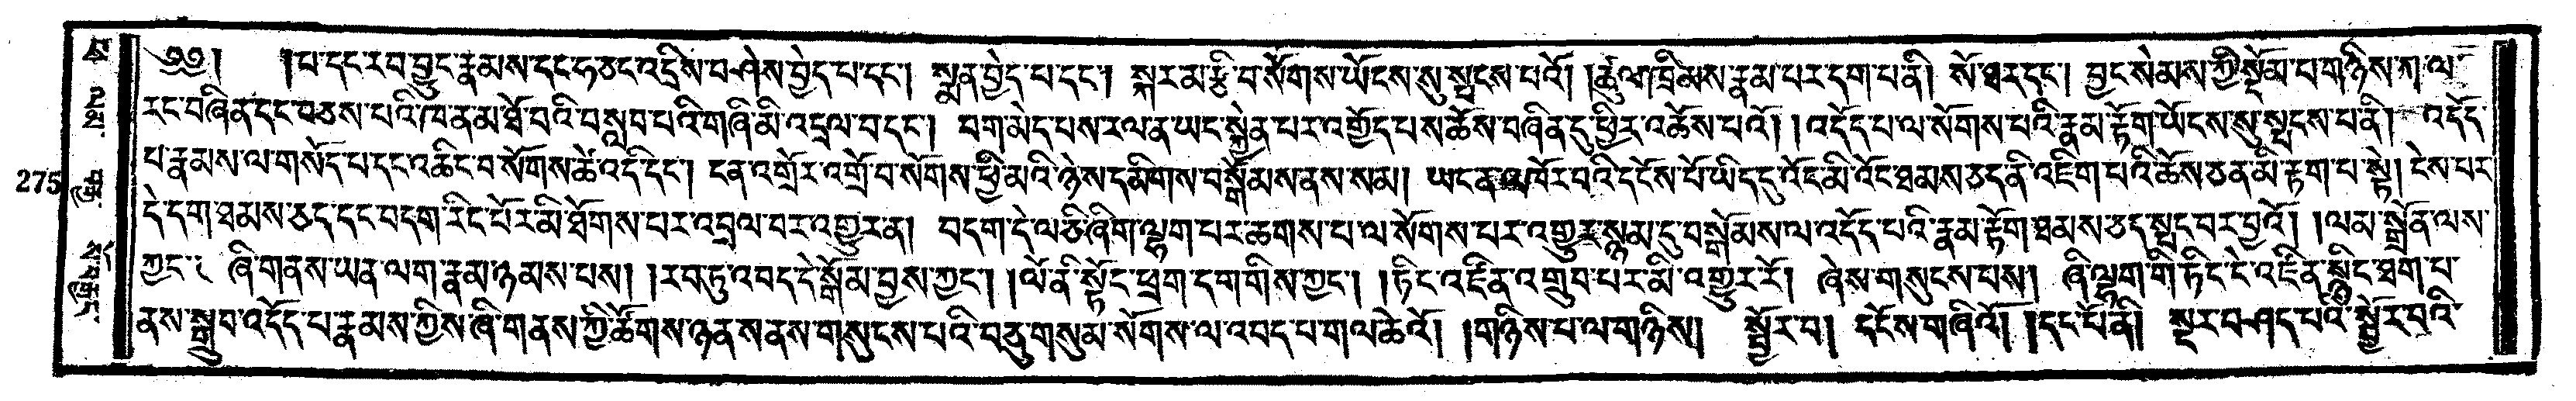༄༅། །པ་དང་རབ་བྱུང་རྣམས་དང་ཧ་ཅང་འདྲིས་བཤེས་བྱེད་པ་དང་། སྨན་བྱེད་པ་དང་། སྐར་མ་རྩི་བ་སོགས་ཡོངས་སུ་སྤངས་པའོ། །ཚུལ་ཁྲིམས་རྣམ་པར་དག་པ་ནི། སོ་ཐར་དང་། བྱང་སེམས་ཀྱི་སྡོམ་པ་གཉིས་ཀ་ལ་
རང་བཞིན་དང་བཅས་པའི་ཁ་ན་མ་ཐོ་བའི་བསླབ་པའི་གཞི་མི་འདྲལ་བ་དང་། བག་མེད་པས་རལ་ན་ཡང་སྐྱེན་པར་འགྱོད་པས་ཆོས་བཞིན་དུ་ཕྱིར་འཆོས་པའོ། །འདོད་པ་ལ་སོགས་པའི་རྣམ་རྟོག་ཡོངས་སུ་སྤངས་པ་ནི། འདོད་
པ་རྣམས་ལ་གསོད་པ་དང་འཆིང་བ་སོགས་ཚེ་འདི་དང་། ངན་འགྲོར་འགྲོ་བ་སོགས་ཕྱི་མའི་ཉེས་དམིགས་བསྒོམས་ནས་སམ། ཡང་ན་འཁོར་བའི་དངོས་པོ་ཡིད་དུ་འོང་མི་འོང་ཐམས་ཅད་ནི་འཇིག་པའི་ཆོས་ཅན་མི་རྟག་པ་སྟེ། ངེས་པར་
དེ་དག་ཐམས་ཅད་དང་བདག་རིང་པོར་མི་ཐོགས་པར་འབྲལ་བར་འགྱུར་ན། བདག་དེ་ལ་ཅི་ཞིག་ལྷག་པར་ཆགས་པ་ལ་སོགས་པར་འགྱུར་སྙམ་དུ་བསྒོམས་ལ་འདོད་པའི་རྣམ་རྟོག་ཐམས་ཅད་སྤང་བར་བྱའོ། །ལམ་སྒྲོན་ལས་
ཀྱང་༑ ཞི་གནས་ཡན་ལག་རྣམ་ཉམས་པས། །རབ་ཏུ་འབད་དེ་སྒོམ་བྱས་ཀྱང་། །ལོ་ནི་སྟོང་ཕྲག་དག་གིས་ཀྱང་། ཏིང་འཛིན་འགྲུབ་པར་མི་འགྱུར་རོ། །ཞེས་གསུངས་པས། ཞི་ལྷག་གི་ཏིང་ངེ་འཛིན་སྙིང་ཐག་པ་
ནས་སྒྲུབ་འདོད་པ་རྣམས་ཀྱིས་ཞི་གནས་ཀྱི་ཚོགས་ཉན་ས་ནས་གསུངས་པའི་བཅུ་གསུམ་སོགས་ལ་འབད་པ་གལ་ཆེའོ། །གཉིས་པ་ལ་གཉིས། སྦྱོར་བ། དངོས་གཞིའོ། །དང་པོ་ནི། སྔར་བཤད་པའི་སྦྱོར་བའི་